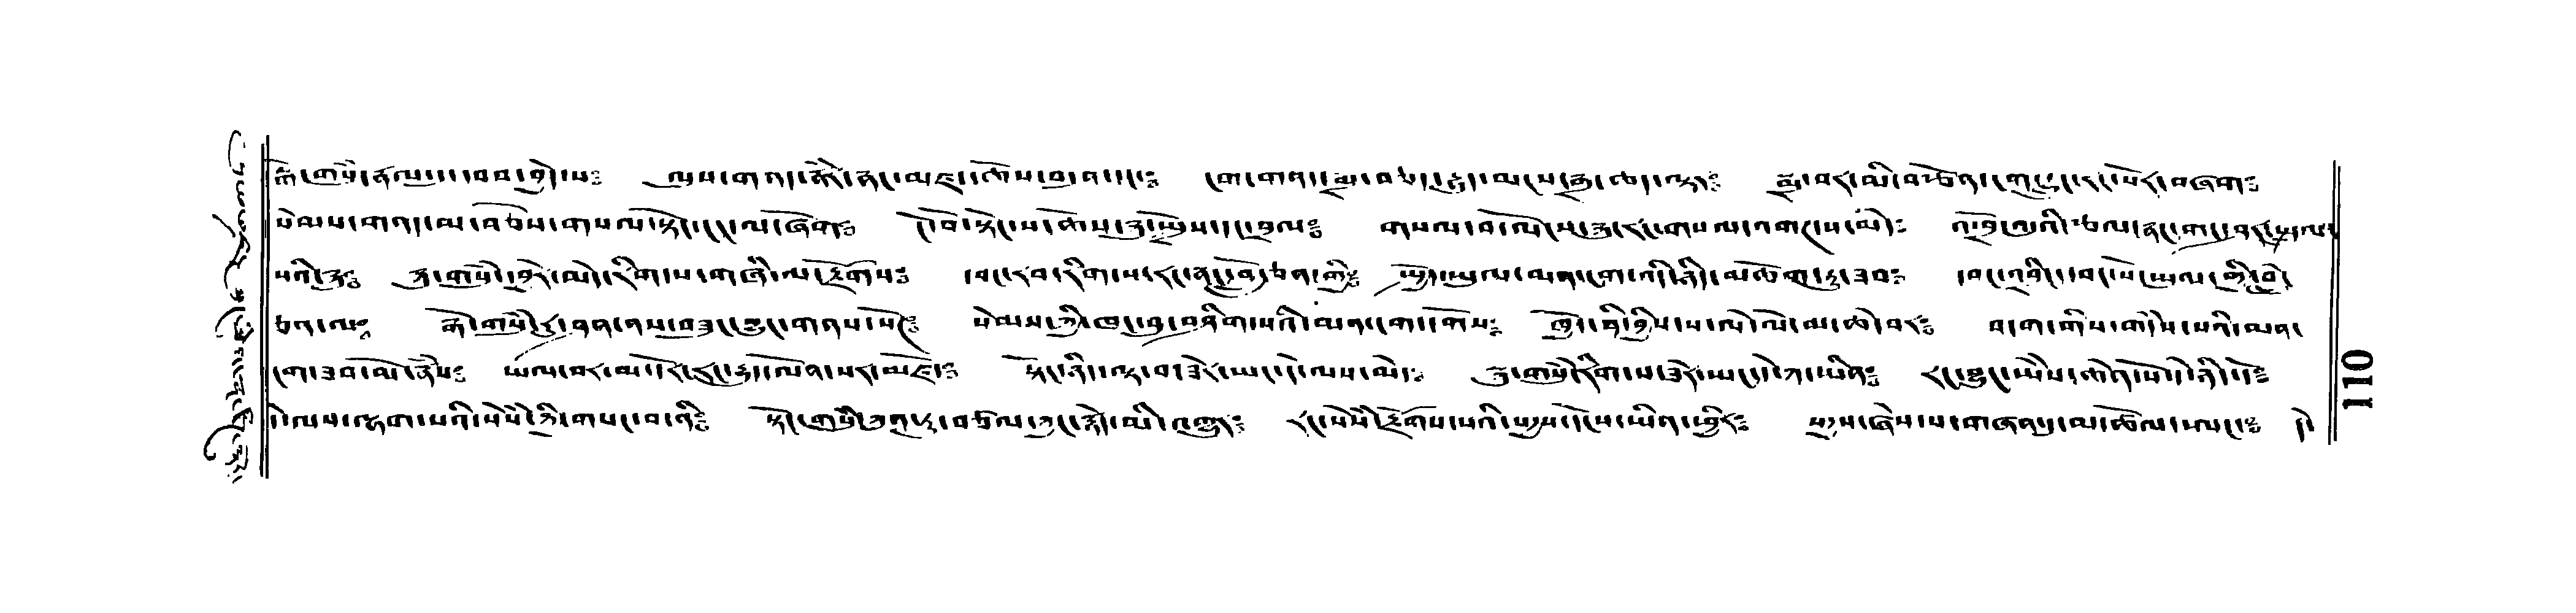སྒོ་གསུམ་རྣལ་དུ་དབབ་བྱེད་པ༔ ལུས་གནད་རྣམ་པར་སྣང་མཛད་ཆོས་བདུན་དང༔ ངག་གནད་སྨྲ་བཅད་རྒྱུད་མངས་སྒྲ་ཆད་ལྟར༔ སྨྲ་བར་མི་བརྩོན་ངག་རླུང་རང་སོར་བཞག༔ 
ངོ་བོ་སྟོང་པ་ཆོས་སྐུ་སྤྲོས་དང་བྲལ༔ གསལ་བ་ལོངས་སྐུ་རང་གསལ་འགགས་པ་མེད༔ འཕྲོ་འདུའི་རྩལ་སྣང་གང་ཤར་སྤྲུལ་
པའི་སྐུ༔ སྐུ་གསུམ་དབྱེར་མེད་རིག་པ་གཞི་ལ་རྫོགས༔ དབང་རབ་རིག་པ་རང་སྣང་བློ་ཅན་གྱི༔ སྤྱོད་ཡུལ་མན་ངག་འདི་ཉིད་མཆོག་ཏུ་ཟབ༔ དབང་འབྲིང་དབང་པོ་ཡུལ་གྱི་བློ་
ཅན་ལ༔ སྒོ་གསུམ་རུ་ཤན་ནས་བཟུང་བྱུང་གནས་སོགས༔ སེམས་ཀྱི་ཁང་བུ་བཤིག་པའི་མན་ངག་དགོས༔ ཁྱོད་ནི་བྱིས་པ་ལེ་ལོ་མ་ཆེ་བར༔ བདག་གིས་གདམས་པའི་མན་
ངག་ཟབ་མོ་རྣམས༔ ཡལ་བར་མ་དོར་རང་རྒྱུད་ལོན་པར་མཛོད༔ སྟོང་ཉིད་ལྟ་བ་ཟེར་ཡང་དེ་ལས་མེད༔ སྐུ་གསུམ་རིག་པ་ཟེར་ཡང་དེ་ཀ་ཡིན༔ རང་བྱུང་ཡེ་ཤེས་ཆེན་པོ་དེ་ཉིད་དོ༔ 
དེ་ལས་ལྷག་པའི་སེམས་ཀྱི་གསང་བ་ནི༔ སྟོང་གསུམ་ཀུན་ཏུ་བཙལ་ཀྱང་རྙེད་མི་འགྱུར༔ རང་སེམས་རྫོགས་པའི་སངས་རྒྱས་དངོས་ཡིན་ཕྱིརཿ སངས་རྒྱས་ཞེས་པ་གཞན་དུ་མ་ཚོལ་ཨང༔ དེ་